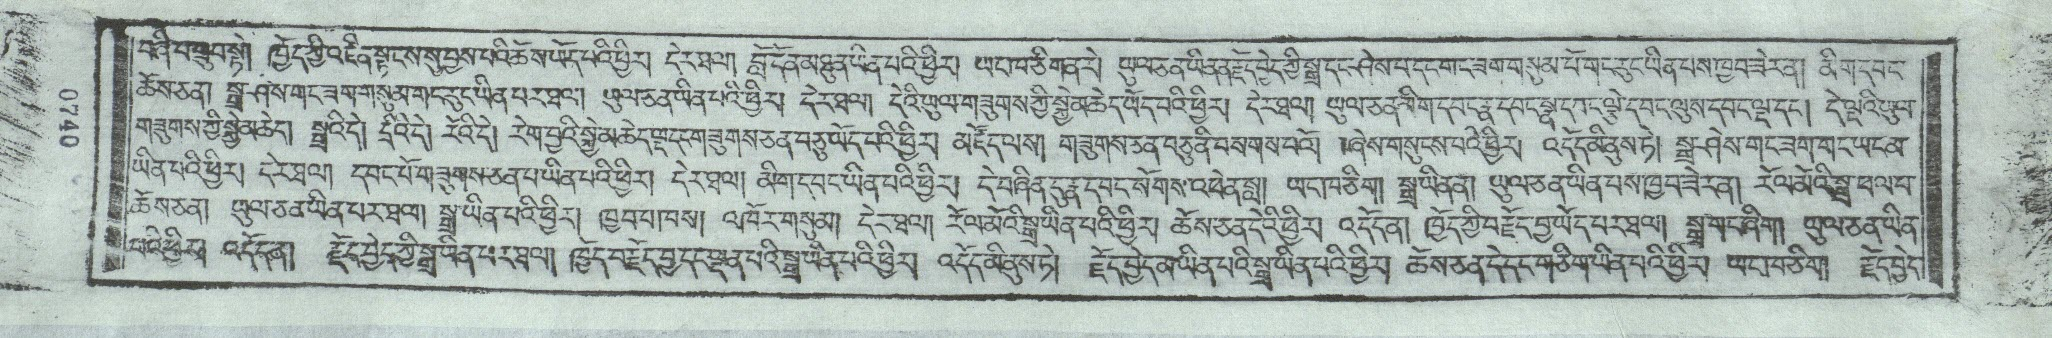བཞི་པ་གྲུབ་སྟེ། ཁྱོད་ཀྱི་འཛིན་སྟངས་སུ་བྱས་པའི་ཆོས་ཡོད་པའི་ཕྱིར། དེར་ཐལ། བློ་དོན་མཐུན་ཡིན་པའི་ཕྱིར། ཡང་ཁ་ཅིག་ན་རེ། ཡུལ་ཅན་ཡིན་ན་རྗོད་བྱེད་ཀྱི་སྒྲ་དང་ཤེས་པ་དང་གང་ཟག་གསུམ་པོ་གང་རུང་ཡིན་པས་ཁྱབ་ཟེར་ན། མིག་དབང་
ཆོས་ཅན། སྒྲ་ཤེས་གང་ཟག་གསུམ་གང་རུང་ཡིན་པར་ཐལ། ཡུལ་ཅན་ཡིན་པའི་ཕྱིར། དེར་ཐལ། དེའི་ཡུལ་གཟུགས་ཀྱི་སྐྱེ་མཆེད་ཡོད་པའི་ཕྱིར། དེར་ཐལ། ཡུལ་ཅན་མིག་དབང་རྣ་དབང་སྣ་དབང་ལྕེ་དབང་ལུས་དབང་ལྔ་དང་། དེ་ལྔའི་ཡུལ་
གཟུགས་ཀྱི་སྐྱེ་མཆེད། སྒྲའི་དེ། དྲིའི་དེ། རོའི་དེ། རེག་བྱའི་སྐྱེ་མཆེད་ལྔ་དང་གཟུགས་ཅན་བཅུ་ཡོད་པའི་ཕྱིར། མཛོད་ལས། གཟུགས་ཅན་བཅུ་ནི་བསགས་པའོ། །ཞེས་གསུངས་པའི་ཕྱིར། འདོད་མི་ནུས་ཏེ། སྒྲ་ཤེས་གང་ཟག་གང་ཡང་མ་
ཡིན་པའི་ཕྱིར། དེར་ཐལ། དབང་པོ་གཟུགས་ཅན་པ་ཡིན་པའི་ཕྱིར། དེར་ཐལ། མིག་དབང་ཡིན་པའི་ཕྱིར། དེ་བཞིན་དུ་རྣ་དབང་སོགས་འཕེན་སླ། ཡང་ཁ་ཅིག། སྒྲ་ཡིན་ན། ཡུལ་ཅན་ཡིན་པས་ཁྱབ་ཟེར་ན། རོལ་མོའི་སྒྲ་ཕལ་བ་
ཆོས་ཅན། ཡུལ་ཅན་ཡིན་པར་ཐལ། སྒྲ་ཡིན་པའི་ཕྱིར། ཁྱབ་པ་ཁས། འཁོར་གསུམ། དེར་ཐལ། རོལ་མོའི་སྒྲ་ཡིན་པའི་ཕྱིར། ཆོས་ཅན་དེའི་ཕྱིར། འདོད་ན། ཁྱོད་ཀྱི་བརྗོད་བྱ་ཡོད་པར་ཐལ། སྒྲ་གང་ཞིག། ཡུལ་ཅན་ཡིན་
པའི་ཕྱིར། འདོད་ན། རྗོད་བྱེད་ཀྱི་སྒྲ་ཡིན་པར་ཐལ། ཁྱོད་བརྗོད་བྱ་དང་ལྡན་པའི་སྒྲ་ཡིན་པའི་ཕྱིར། འདོད་མི་ནུས་ཏེ། རྗོད་བྱེད་མ་ཡིན་པའི་སྒྲ་ཡིན་པའི་ཕྱིར། ཆོས་ཅན་དེ་དང་གཅིག་ཡིན་པའི་ཕྱིར། ཡང་ཁ་ཅིག། བརྗོད་བྱེད་